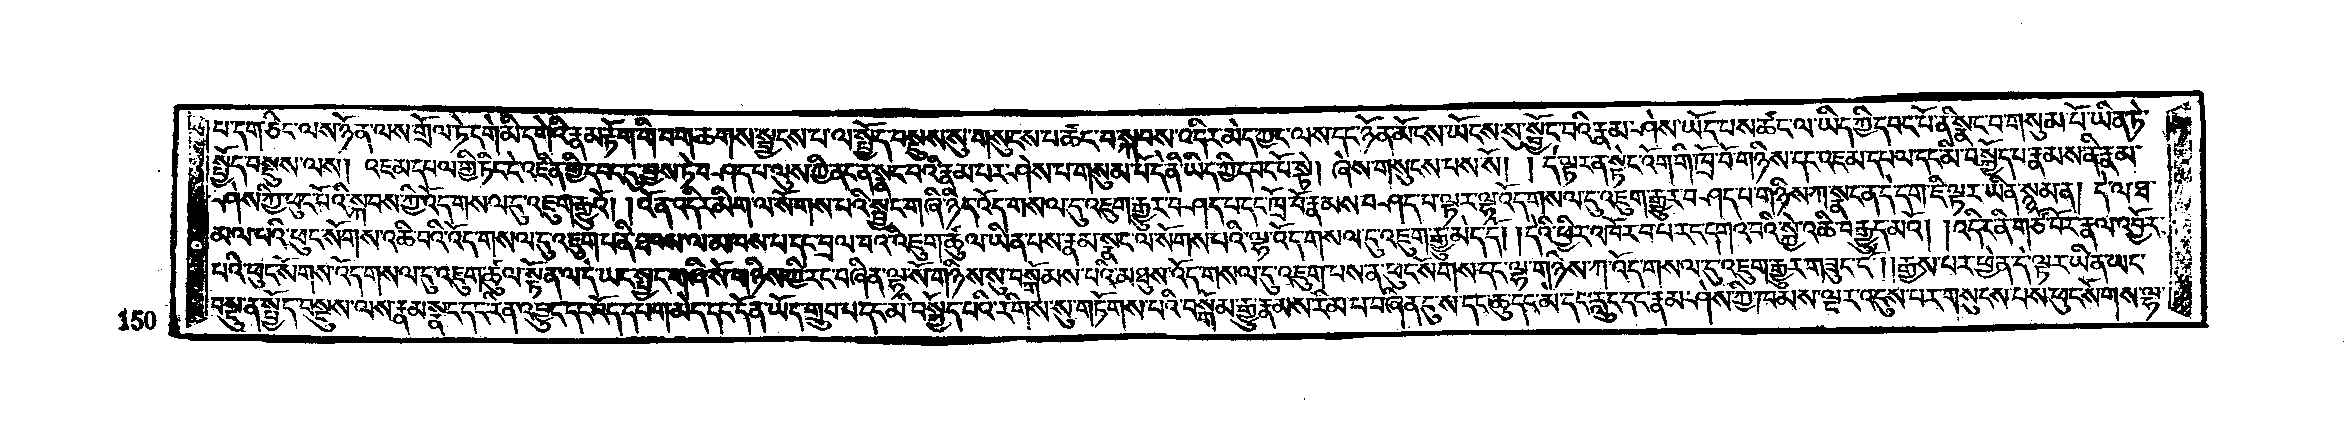པ་དག་ཅིང་ལས་ཉོན་ལས་གྲོལ་ཏེ་དགེ་མི་དགེའི་རྣམ་རྟོག་གི་བག་ཆགས་སྦྱངས་པ་ལ་སྤྱོད་བསྡུས་སུ་གསུངས་པ་ཚང་བ་སྐབས་འདིར་མེད་ཀྱང་ལས་དང་ཉོན་མོངས་ཡོངས་སུ་སྦྱོང་བའི་རྣམ་ཤེས་ཡོད་པས་ཚང་ལ་ཡིད་ཀྱི་དབང་པོ་ནི་སྣང་བ་གསུམ་པོ་ཡིན་ཏེ་
སྤྱོད་བསྡུས་ལས། འཇམ་དཔལ་གྱི་ཏིང་ངེ་འཛིན་གྱི་དབང་དུ་བྱས་ཏེ་བཤད་པ་ལུས་ཀྱི་ནང་ན་སྣང་བའི་རྣམ་པར་ཤེས་པ་གསུམ་པོ་དེ་ནི་ཡིད་ཀྱི་དབང་པོ་སྟེ། ཞེས་གསུངས་པས་སོ། །དེ་ལྟར་ན་སྟེང་འོག་གི་ཁྲོ་བོ་གཉིས་དང་འཇམ་དཔལ་དང་མི་བསྐྱོད་པ་རྣམས་ནི་རྣམ་
ཤེས་ཀྱི་ཕུང་པོའི་སྐབས་ཀྱི་འོད་གསལ་དུ་འཇུག་རྒྱུའོ། །འོ་ན་འདིར་མིག་ལ་སོགས་པའི་སྦྱང་གཞི་ཉིད་འོད་གསལ་དུ་འཇུག་རྒྱུར་བཤད་པ་དང་ཁྲོ་བོ་རྣམས་བཤད་པ་ལྟར་ལྷ་འོད་གསལ་དུ་འཇུག་རྒྱུར་བཤད་པ་གཉིས་ཀ་སྣང་ན་དེ་དག་ཇི་ལྟར་ཡིན་སྙམ་ན། དེ་ལ་ཐ་
མལ་པའི་ཕུང་སོགས་འཆི་བའི་འོད་གསལ་དུ་འཇུག་པ་ནི་ཐབས་ལ་མཁས་པ་དང་བྲལ་བའི་འཇུག་ཚུལ་ཡིན་པས་རྣམ་སྣང་ལ་སོགས་པའི་ལྷ་འོད་གསལ་དུ་འཇུག་རྒྱུ་མེད་དོ། །དེའི་ཕྱིར་འཁོར་བ་པ་རང་དགའ་བའི་སྐྱེ་འཆི་བརྒྱུད་མའོ། །འདིར་ནི་གཙོ་བོར་རྣལ་འབྱོར་
པའི་ཕུང་སོགས་འོད་གསལ་དུ་འཇུག་ཚུལ་སྟོན་ལ་དེ་ཡང་སྦྱང་གཞི་སོ་གཉིས་ཀྱི་རང་བཞིན་ལྷ་སོ་གཉིས་སུ་བསྒོམས་པའི་མཐུས་འོད་གསལ་དུ་འཇུག་པས་ན་ཕུང་སོགས་དང་ལྷ་གཉིས་ཀ་འོད་གསལ་དུ་འཇུག་རྒྱུར་གཟུང་ངོ། །རྒྱས་པར་ཕྱེ་ན་དེ་ལྟར་ཡིན་ཡང་
བསྡུ་ན་སྤྱོད་བསྡུས་ལས་རྣམ་སྣང་དང་རིན་འབྱུང་དང་འོད་དཔག་མེད་དང་དོན་ཡོད་གྲུབ་པ་དང་མི་བསྐྱོད་པའི་རིགས་སུ་གཏོགས་པའི་བསྒོམ་རྒྱུ་རྣམས་རིམ་པ་བཞིན་དུ་ས་དང་ཆུ་དང་མེ་དང་རླུང་དང་རྣམ་ཤེས་ཀྱི་ཁམས་ལྔར་འདུས་པར་གསུངས་པས་ཕུང་སོགས་ལྷ་